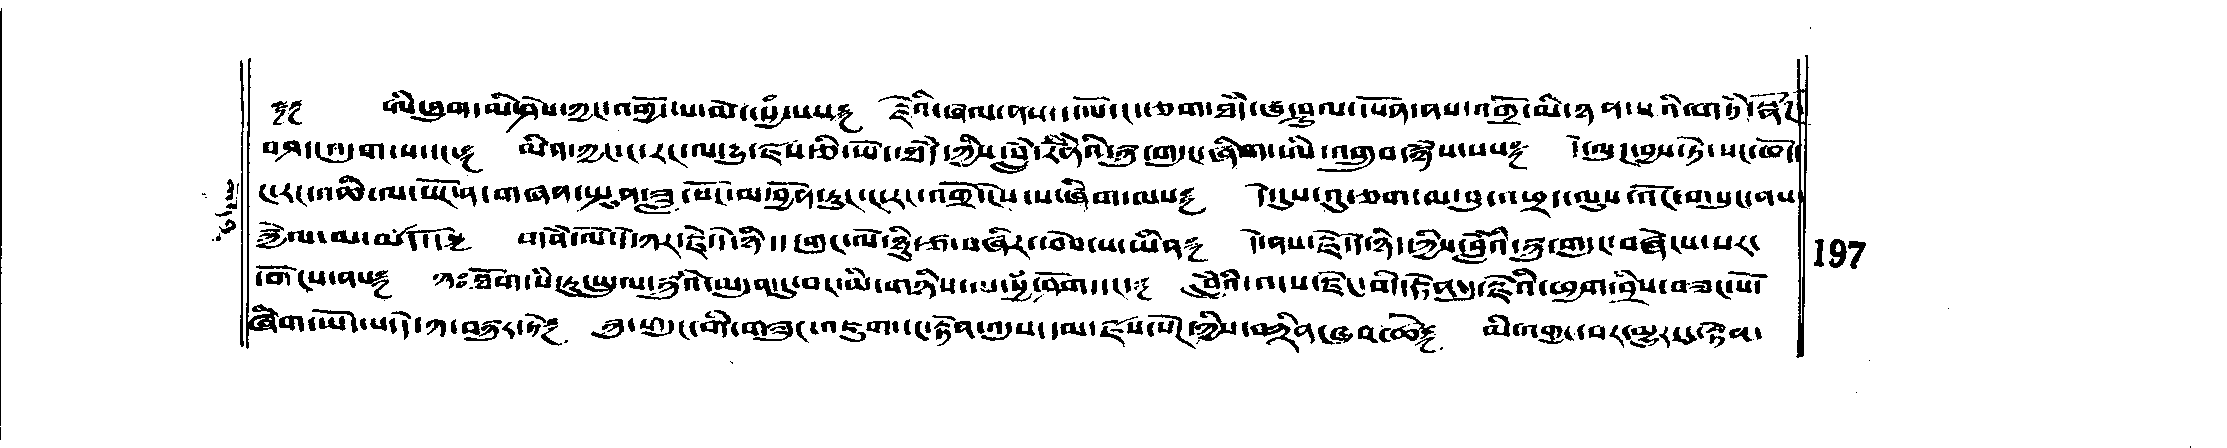ཨི་ཐུག་མི་ཤེས་ཀྱང་འགྱོད་པ་མེད་གསུངས་པས། རྗེའི་ཞལ་ནས་ད་ལོ་ང་ཅག་ཐམས་ཅད་ཝ་ཤུལ་དཔོན་ནས་འགྲོ་མི་ཉན་པའི་གཏམ་སྣ་ཚོགས་
བཤད་འདུག་པ་དང་། ཡིན་ཀྱང་ང་རང་ལ་རྒྱུ་རྫས་ཅི་ཡོད་ཐམས་ཅད་ཀྱིས་བླ་མ་རིན་པོ་ཆེའི་སྐུ་གདུང་ཞིག་ཨི་འགྲུབ་སྙམས་པས། དེ་ལུགས་བྱས་ཏེ་སང་ཕོད་
ང་རང་འཆི་ལ་སོང་ན་གཞན་སྤུན་ཟླ་སོགས་མ་བྱོན་རུང་ང་རང་འགྲོ་ངེས་པ་ཞིག་ལས། དེ་དུས་འུ་ཅག་མ་བུ་འཕྲད་ལོས་འོང་གསུང་ནས་
སྐྱེལ་མ་མཛད་དོ། གནམ་ལོ་དེ་ཀར་རྗེ་དེ་ཉིད་དགུང་ལོ་ཉི་ཤུ་ཙ་བཞིར་ཕེབ་པ་ཡིན། དེ་ནས་རྗེ་དེ་ཉིད་ཀྱིས་བླ་མའི་སྐུ་གདུང་བཞེངས་པར་
དགོངས་ནས། ཀཿཐོག་སི་ཏུ་སྤྲུལ་སྐུའི་མདུན་དུ་བང་མི་གཉིས་ལ་གསུང་ཤོག་དང་། བླ་མའི་འདས་རྫོང་གི་རྟེན་དུ་རྗེའི་ཕྱག་བྲིས་བཟང་པོ་
ཞིག་ཡོད་པ་དེ་ཀ་བསྐུར་ཏེ། སྐུ་གདུང་གི་གཟུངས་འཇུག་དང་རྟེན་འདུས་དམ་རྫས་སོགས་ཀྱིས་བཀའ་དྲིན་ཞུ་ཚེ། མི་འགྱང་བར་མྱུར་དུ་རྟེན་